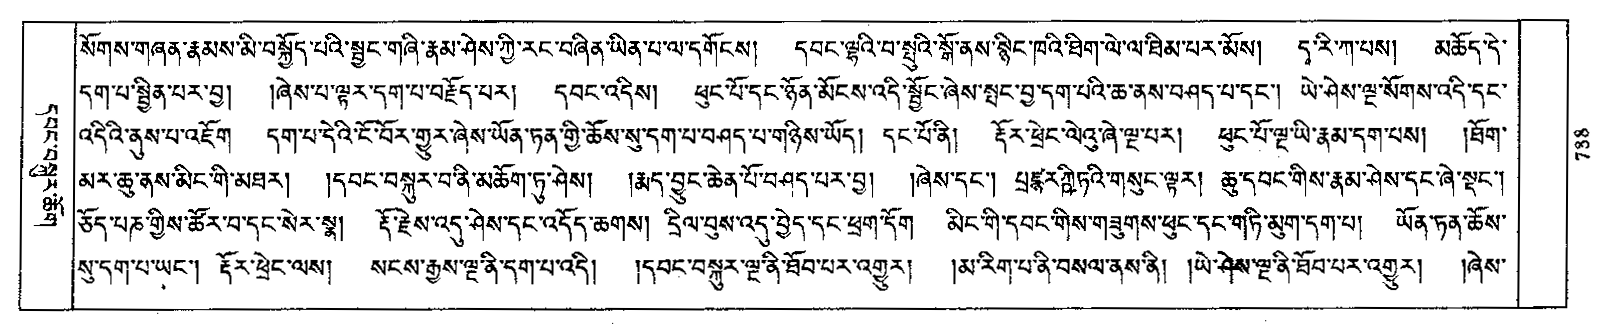སོགས་གཞན་རྣམས་མི་བསྐྱོད་པའི་སྦྱང་གཞི་རྣམ་ཤེས་ཀྱི་རང་བཞིན་ཡིན་པ་ལ་དགོངས། དབང་ལྷའི་བ་སྤུའི་སྒོ་ནས་སྙིང་ཁའི་ཐིག་ལེ་ལ་ཐིམ་པར་མོས། དྭ་རི་ཀ་པས། མཆོད་དེ་
དག་པ་སྤྱིན་པར་བྱ། །ཞེས་པ་ལྟར་དག་པ་བརྗོད་པར། དབང་འདིས། ཕུང་པོ་དང་ཉོན་མོངས་འདི་སྦྱོང་ཞེས་སྤང་བྱ་དག་པའི་ཆ་ནས་བཤད་པ་དང་། ཡེ་ཤེས་ལྔ་སོགས་འདི་དང་
འདིའི་ནུས་པ་འཇོག་དག་པ་དེའི་ངོ་བོར་གྱུར་ཞེས་ཡོན་ཏན་གྱི་ཆོས་སུ་དག་པ་བཤད་པ་གཉིས་ཡོད། དང་པོ་ནི། རྡོར་ཕྲེང་ལེའུ་ཞེ་ལྔ་པར། ཕུང་པོ་ལྔ་ཡི་རྣམ་དག་པས། །ཐོག་
མར་ཆུ་ནས་མིང་གི་མཐར། །དབང་བསྐུར་བ་ནི་མཆོག་ཏུ་ཤེས། །རྨད་བྱུང་ཆེན་པོ་བཤད་པར་བྱ། །ཞེས་དང་། པྲཛྙར་ཀྵིཏའི་གསུང་ལྟར། ཆུ་དབང་གིས་རྣམ་ཤེས་དང་ཞེ་སྡང་།
ཅོད་པཎ་གྱིས་ཚོར་བ་དང་སེར་སྣ། རྡོ་རྗེས་འདུ་ཤེས་དང་འདོད་ཆགས། དྲིལ་བུས་འདུ་བྱེད་དང་ཕྲག་དོག་མིང་གི་དབང་གིས་གཟུགས་ཕུང་དང་གཏི་མུག་དག་པ། ཡོན་ཏན་ཆོས་
སུ་དག་པ་ཡང་། རྡོར་ཕྲེང་ལས། སངས་རྒྱས་ལྔ་ནི་དག་པ་འདི། །དབང་བསྐུར་ལྔ་ནི་ཐོབ་པར་འགྱུར། །མ་རིག་པ་ནི་བསལ་ནས་ནི། །ཡེ་ཤེས་ལྔ་ནི་ཐོབ་པར་འགྱུར། །ཞེས་